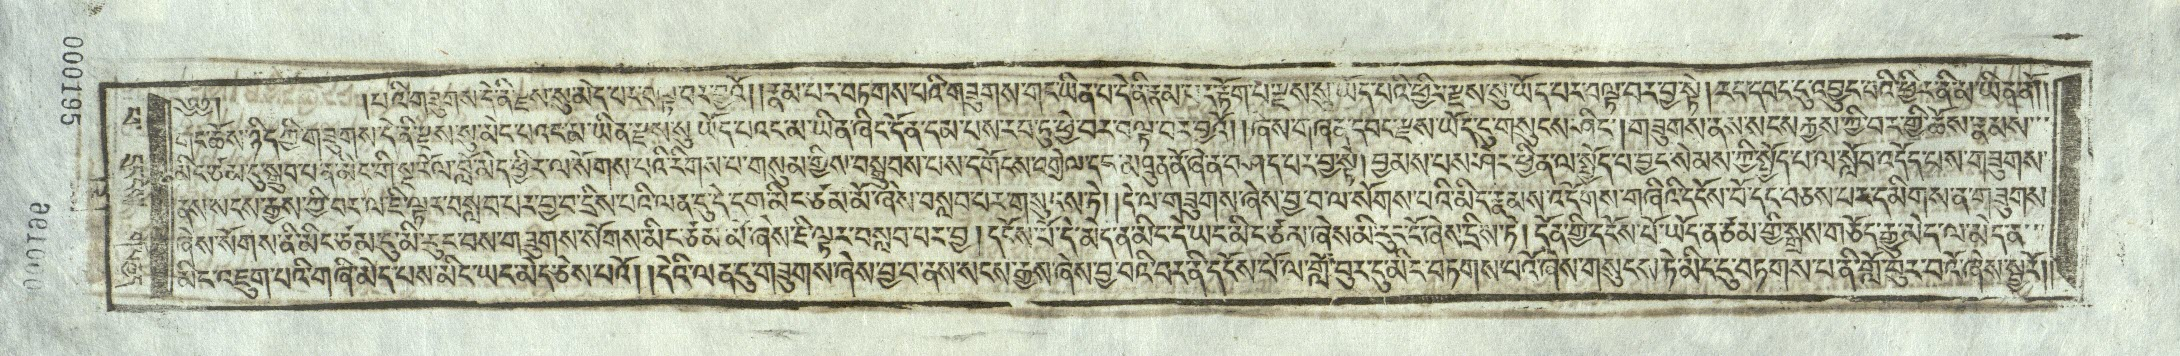༄༅། །པའི་གཟུགས་དེ་ནི་རྫས་སུ་མེད་པར་བལྟ་བར་བྱའོ། །རྣམ་པར་བཏགས་པའི་གཟུགས་གང་ཡིན་པ་དེ་ནི་རྣམ་པར་རྟོག་པ་རྫས་སུ་ཡོད་པའི་ཕྱིར་རྫས་སུ་ཡོད་པར་བལྟ་བར་བྱ་སྟེ། རང་དབང་དུ་འབྱུང་བའི་ཕྱིར་ནི་མ་ཡིན་ནོ། །
གང་ཆོས་ཉིད་ཀྱི་གཟུགས་དེ་ནི་རྫས་སུ་མེད་པའང་མ་ཡིན་རྫས་སུ་ཡོད་པའང་མ་ཡིན་ཞིང་དོན་དམ་པས་རབ་ཏུ་ཕྱེ་བར་བལྟ་བར་བྱའོ། །ཞེས་གཞན་དབང་རྫས་ཡོད་དུ་གསུངས་ཤིང་། གཟུགས་ནས་སངས་རྒྱས་ཀྱི་བར་གྱི་ཆོས་རྣམས་
མིང་ཙམ་དུ་སྒྲུབ་པ་ན་མིང་གི་སྔ་རོལ་བློ་མེད་ཕྱིར་ལ་སོགས་པའི་རིགས་པ་གསུམ་གྱིས་བསྒྲུབས་པས་དགོངས་འགྲེལ་དང་མཐུན་ནོ་ཞེ་ན་བཤད་པར་བྱ་སྟེ། བྱམས་པས་ཤེར་ཕྱིན་ལ་སྤྱོད་པ་བྱང་སེམས་ཀྱི་སྤྱོད་པ་ལ་སློབ་འདོད་པས་གཟུགས་
ནས་སངས་རྒྱས་ཀྱི་བར་ལ་ཇི་ལྟར་བསླབ་པར་བྱ་བ་དྲིས་པའི་ལན་དུ་དེ་དག་མིང་ཙམ་མོ་ཞེས་བསླབ་པར་གསུངས་ཏེ། དེ་ལ་གཟུགས་ཞེས་བྱ་བ་ལ་སོགས་པའི་མིང་རྣམས་འདོགས་གཞིའི་དངོས་པོ་དང་བཅས་པར་དམིགས་ན་གཟུགས་
ཞེས་སོགས་ནི་མིང་ཙམ་དུ་མི་རུང་བས་གཟུགས་སོགས་མིང་ཙམ་མོ་ཞེས་ཇི་ལྟར་བསླབ་པར་བྱ། དངོས་པོ་དེ་མེད་ན་མིང་དེ་ཡང་མིང་ཙམ་ཞེས་མི་རུང་ངོ་ཞེས་དྲིས་ཏེ། དོན་གྱི་དངོས་པོ་ཡོད་ན་ཙམ་གྱི་སྒྲས་གཅོད་རྒྱུ་མེད་ལ་མེད་ན་
མིང་འཇུག་པའི་གཞི་མེད་པས་མིང་ཡང་མེད་ཅེས་པའོ། །དེའི་ལན་དུ་གཟུགས་ཞེས་བྱ་བ་ནས་སངས་རྒྱས་ཞེས་བྱ་བའི་བར་ནི་དངོས་པོ་ལ་གློ་བུར་དུ་མིང་བཏགས་པའོ་ཞེས་གསུངས་ཏེ་མིང་དུ་བཏགས་པ་ནི་གློ་བུར་བའོ་ཞེས་སྦྱོར། །